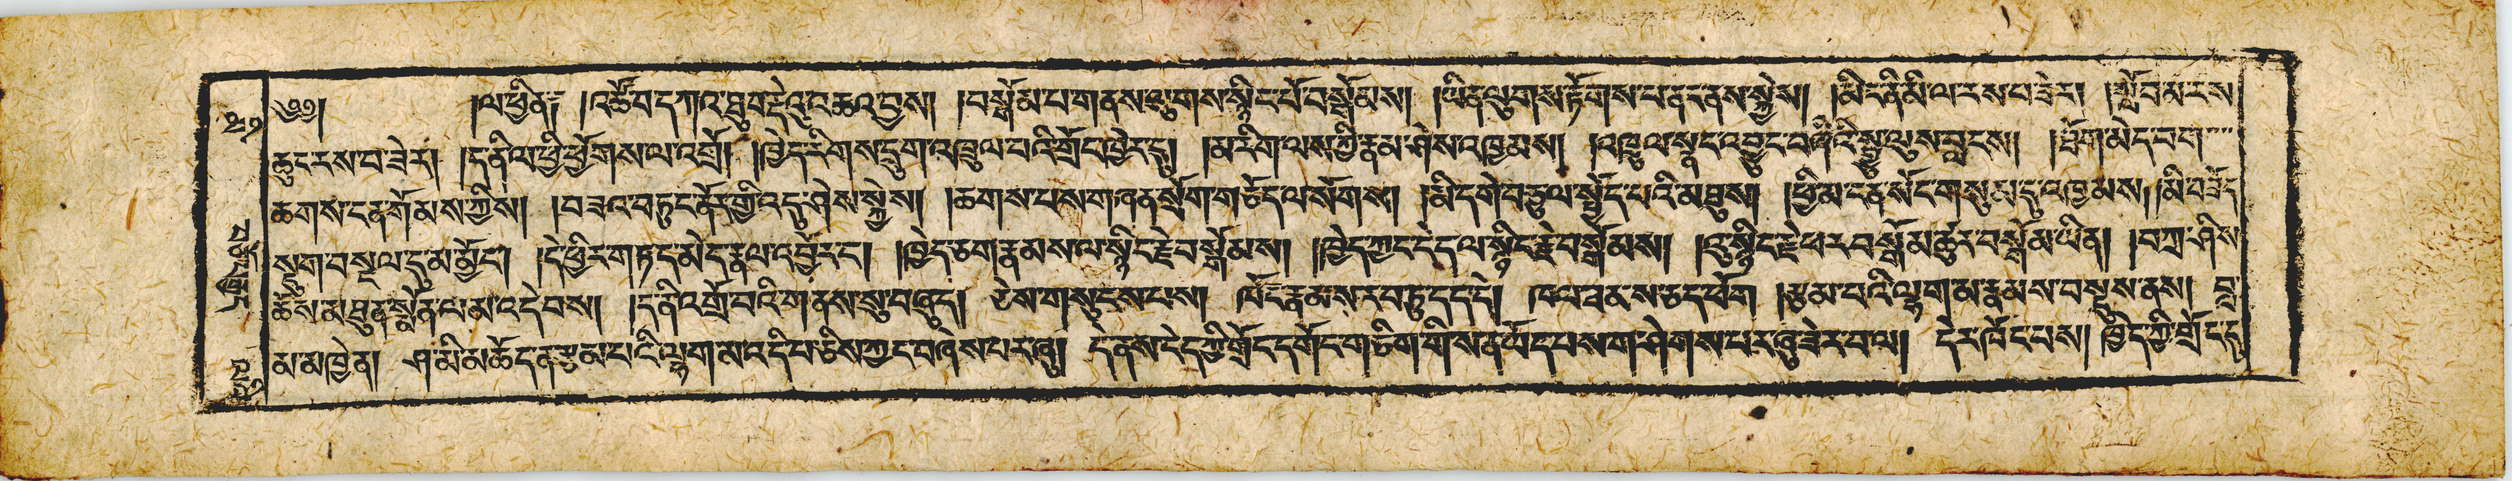ལ་ཕྱིན། །འཚོ་བ་དཀའ་ཐུབ་རྡེའུ་འཆའ་བྱས། །བསྒོམ་པ་གནས་ལུགས་སྙིང་པོ་བསྒོམས། །ཡིན་ལུགས་རྟོགས་པ་ནང་ནས་སྐྱེས། །མིང་ནི་མི་ལ་རས་པ་ཟེར། །སློབ་མ་རས་
ཆུང་རས་པ་ཟེར། །ད་ནི་ལ་ཕྱི་ཕྱོགས་ལ་འབྲོ། །ཁྱེད་རིགས་དྲུག་འཁྲུལ་བའི་གྲོང་ཁྱེར་དུ། །མ་རིག་ལས་ཀྱི་རྣམ་ཤེས་འཁྱམས། །འཁྲུལ་སྣང་འབྱུང་བཞིའི་སྒྱུ་ལུས་བླངས། །ཐོག་མེད་བག་
ཆགས་ངན་གོམས་ཀྱིས། །བཟའ་བཏུང་ནོར་གྱི་འདུ་ཤེས་སྐྱེས། །ཆགས་པས་གཞན་སྲོག་གཅོད་ལ་སོགས། །མི་དགེ་བཅུལ་སྤྱོད་པའི་མཐུས། །ཕྱི་མ་ངན་སོང་གསུམ་དུ་འཁྱམས། །།མི་བཟོད
སྡུག་བསྔལ་དུ་མ་མྱོང་། །དེ་ཕྱིར་གཏད་མེད་རྣལ་འབྱོར་ང་། །ཁྱེད་ཅག་རྣམས་ལ་སྙིང་རྗེ་བསྒོམས། །ཁྱེད་ཀྱང་ངེད་ལ་སྙིང་རྗེ་བསྒོམས། །འུ་སྙིང་རྗེ་ཕར་བསྒོམ་ཚུར་བསྒོམ་ཡིན། །བཀྲ་ཤིས་
ཆོས་མཐུན་སྨོན་ལམ་འདེབས། །ད་ནི་འགྲོ་བའི་གནས་སུ་བཞུད། ཅེས་གསུངས་པས། ཁོང་རྣམས་རབ་ཏུ་དད་དེ། ཁལ་ཐམས་ཅད་ཕོག །རྩམ་པའི་ལྷག་མ་རྣམས་བསྡུས་ནས། བླ་
མ་མཁྱེན། ཤ་མི་མཆོད་ན་རྩམ་པའི་ལྷག་མ་འདི་པ་ཅིས་ཀྱང་བཞེས་པར་ཞུ། དེ་ནས་ངེད་ཀྱི་གྲོང་དགོང་གཅིག་གི་ས་ན་ཡོད་པས་གཤེགས་པར་ཞུ་ཟེར་བ་ལ། དེར་ཁོང་པས། ཁྱེད་ཀྱི་གྲོང་དུ་